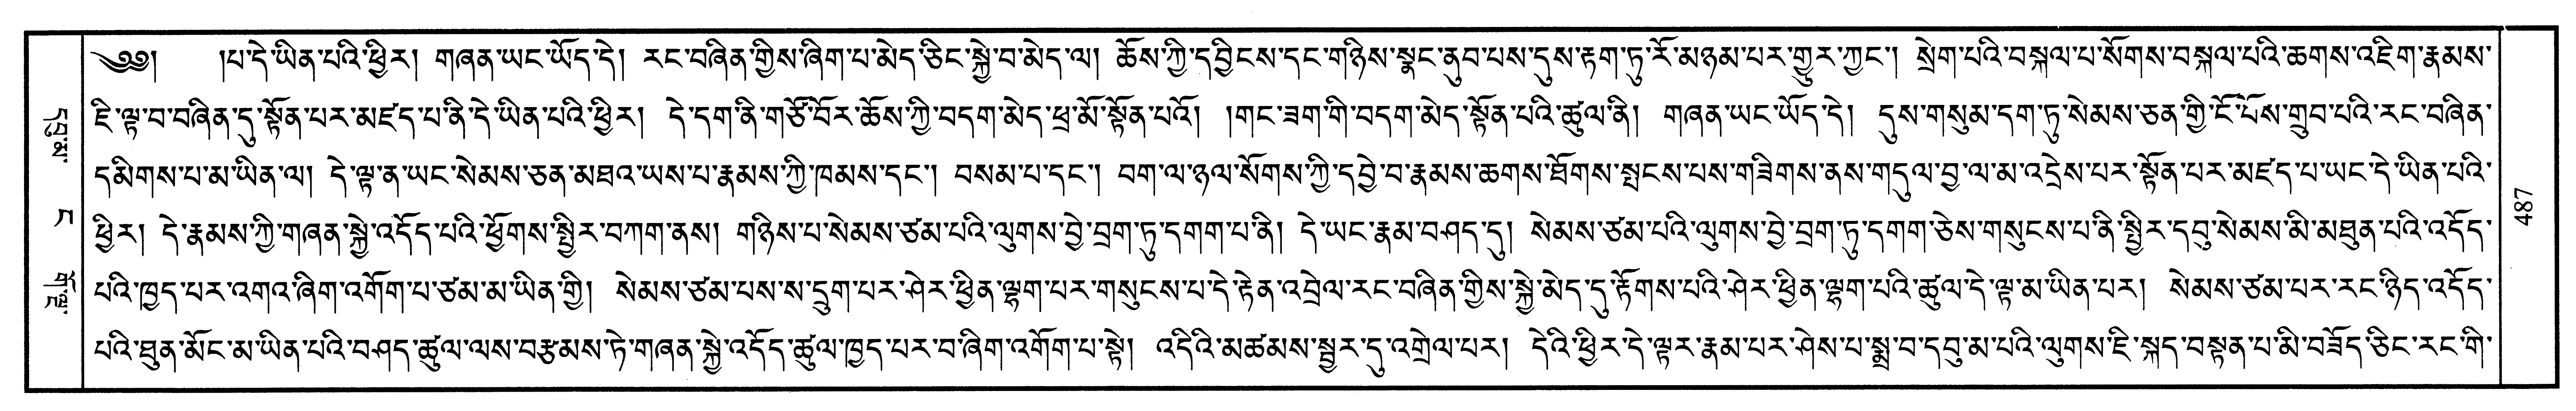༄༅། །པ་དེ་ཡིན་པའི་ཕྱིར། གཞན་ཡང་ཡོད་དེ། རང་བཞིན་གྱིས་ཞིག་པ་མེད་ཅིང་སྐྱེ་བ་མེད་ལ། ཆོས་ཀྱི་དབྱིངས་དང་གཉིས་སྣང་ནུབ་པས་དུས་རྟག་ཏུ་རོ་མཉམ་པར་གྱུར་ཀྱང་། སྲེག་པའི་བསྐལ་པ་སོགས་བསྐལ་པའི་ཆགས་འཇིག་རྣམས་
ཇི་ལྟ་བ་བཞིན་དུ་སྟོན་པར་མཛད་པ་ནི་དེ་ཡིན་པའི་ཕྱིར། དེ་དག་ནི་གཙོ་བོར་ཆོས་ཀྱི་བདག་མེད་ཕྲ་མོ་སྟོན་པའོ། །གང་ཟག་གི་བདག་མེད་སྟོན་པའི་ཚུལ་ནི། གཞན་ཡང་ཡོད་དེ། དུས་གསུམ་དག་ཏུ་སེམས་ཅན་གྱི་ངོ་བོས་གྲུབ་པའི་རང་བཞིན་
དམིགས་པ་མ་ཡིན་ལ། དེ་ལྟ་ན་ཡང་སེམས་ཅན་མཐའ་ཡས་པ་རྣམས་ཀྱི་ཁམས་དང་། བསམ་པ་དང་། བག་ལ་ཉལ་སོགས་ཀྱི་དབྱེ་བ་རྣམས་ཆགས་ཐོགས་སྤངས་པས་གཟིགས་ནས་གདུལ་བྱ་ལ་མ་འདྲེས་པར་སྟོན་པར་མཛད་པ་ཡང་དེ་ཡིན་པའི་
ཕྱིར། དེ་རྣམས་ཀྱི་གཞན་སྐྱེ་འདོད་པའི་ཕྱོགས་སྤྱིར་བཀག་ནས། གཉིས་པ་སེམས་ཙམ་པའི་ལུགས་བྱེ་བྲག་ཏུ་དགག་པ་ནི། དེ་ཡང་རྣམ་བཤད་དུ། སེམས་ཙམ་པའི་ལུགས་བྱེ་བྲག་ཏུ་དགག་ཅེས་གསུངས་པ་ནི་སྤྱིར་དབུ་སེམས་མི་མཐུན་པའི་འདོད་
པའི་ཁྱད་པར་འགའ་ཞིག་འགོག་པ་ཙམ་མ་ཡིན་གྱི། སེམས་ཙམ་པས་ས་དྲུག་པར་ཤེར་ཕྱིན་ལྷག་པར་གསུངས་པ་དེ་རྟེན་འབྲེལ་རང་བཞིན་གྱིས་སྐྱེ་མེད་དུ་རྟོགས་པའི་ཤེར་ཕྱིན་ལྷག་པའི་ཚུལ་དེ་ལྟ་མ་ཡིན་པར། སེམས་ཙམ་པར་རང་ཉིད་འདོད་
པའི་ཐུན་མོང་མ་ཡིན་པའི་བཤད་ཚུལ་ལས་བརྩམས་ཏེ་གཞན་སྐྱེ་འདོད་ཚུལ་ཁྱད་པར་བ་ཞིག་འགོག་པ་སྟེ། འདིའི་མཚམས་སྦྱར་དུ་འགྲེལ་པར། དེའི་ཕྱིར་དེ་ལྟར་རྣམ་པར་ཤེས་པ་སྨྲ་བ་དབུ་མ་པའི་ལུགས་ཇི་སྐད་བསྟན་པ་མི་བཟོད་ཅིང་རང་གི་